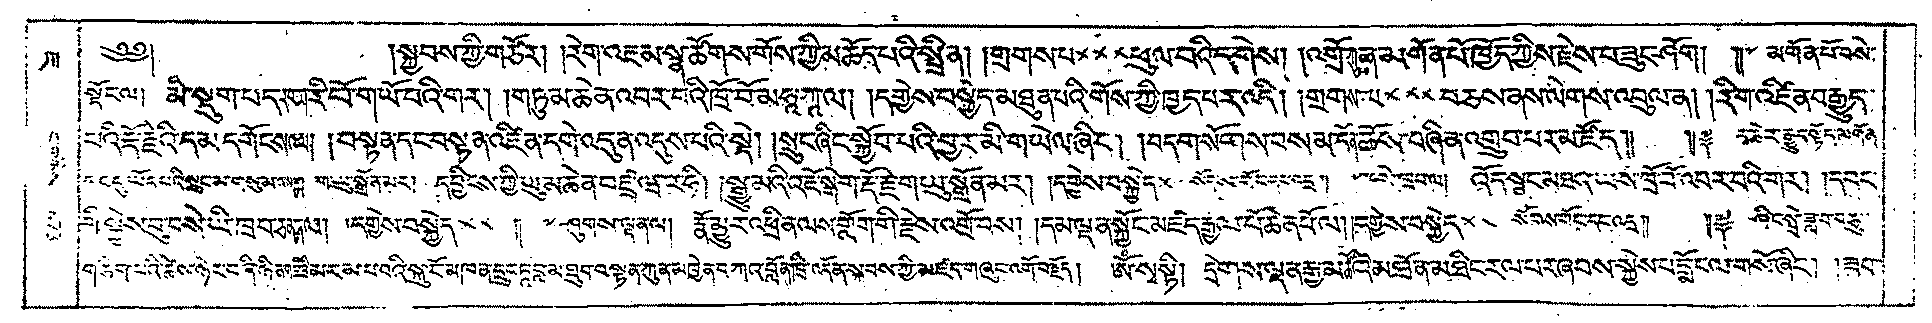༄༅། །སྐྱབས་ཀྱི་གཙོར། །རེག་འཇམ་སྣ་ཚོགས་གོས་ཀྱི་མཆོད་པའི་སྤྲིན། །གྲགས་པ་྾་྾་྾་ཕུལ་བའི་དགེས། །འགྲོ་ཀུན་མགོན་པོ་ཁྱོད་ཀྱིས་རྗེས་བཟུང་ཤོག ། །།༧་མགོན་པོ་བསེ་
སྡོང་ལ། མི་སྡུག་པད་རག་རི་བོ་གཡོ་བའི་གར། །གཏུམ་ཆེན་འབར་བའི་ཁྲོ་བོ་མཧཱ་ཀཱ་ལ། །དགྱེས་བསྐྱེད་མཐུན་པའི་གོས་ཀྱི་ཁྱད་པར་འདི། །གྲགས་པ་྾་྾་྾་བཅས་ནས་ལེགས་འབུལ་ན། །རིག་འཛིན་བརྒྱུད་
པའི་རྡོ་རྗེའི་དམ་དགོངས་ལ། །བསྟན་དང་བསྟན་འཛིན་དགེ་འདུན་འདུས་པའི་སྡེ། །སྲུང་ཞིང་སྐྱོབ་པའི་བྱ་ར་མི་གཡེལ་ཞིང་། །བདག་སོགས་བསམ་དོན་ཆོས་བཞིན་འགྲུབ་པར་མཛོད།། །།༈ རྭ་ཆེར་རྒྱུད་སྟོད་མགོན་
ཁང་དུ་ཡོད་པའི་སྲུང་མ་གསུམ་ལས། གཡུ་སྒྲོན་མར། དབྱིངས་ཀྱི་ཡུམ་ཆེན་བཛྲ་ཝ་ར་ཧི། །སྒྱུ་མའི་འཇོ་སྒེག་རྡོ་རྗེ་གཡུ་སྒྲོན་མར། །དགྱེས་བསྐྱེད་྾་སོགས་གོང་དང་འདྲ།།༧་བསེ་ཁྲབ་ལ།  འོད་སྣང་མཐའ་ཡས་ཁྲོ་བོ་འབར་བའི་གར། །དབང་
གི་སྐྱེས་བུ་བསེ་ཡི་ཁྲབ་ཅན་ལ། །དགྱེས་བསྐྱེད་྾་྾།།༧་ཤུགས་ལྡན་ལ།  རྣོ་མྱུར་འཕྲིན་ལས་གློག་གི་རྗེས་འགྲོ་བས། །དམ་ལྡན་སྐྱོང་མཛད་རྒྱལ་པོ་ཆེན་པོ་ལ། །དགྱེས་བསྐྱེད་྾་྾་སོགས་གོང་དང་འདྲ།། །།༈ ཤིང་སྤྲེ་ཟླ་བ་བཅུ་
གཅིག་པའི་ཚེས་ཉེར་བཞི་ཉིན་གཟིམ་རམ་པ་བའི་སྐུ་ངོ་མཁན་དྲུང་ཏཱ་བླ་མ་ཐུབ་བསྟན་ཀུན་མཁྱེན་བཀའ་བློན་ཁྲི་འདོན་སྐབས་ཀྱི་མཛད་གཞུང་འགོ་བརྗོད། ཨོཾ་སྭ་སྟི། དྲེགས་ལྡན་རྒྱ་མཚོའི་མཐོན་མཐིང་རལ་པར་ཞབས་སྐྱེས་པདམོ་ངལ་གསོ་ཞིང་། །ཟབ་